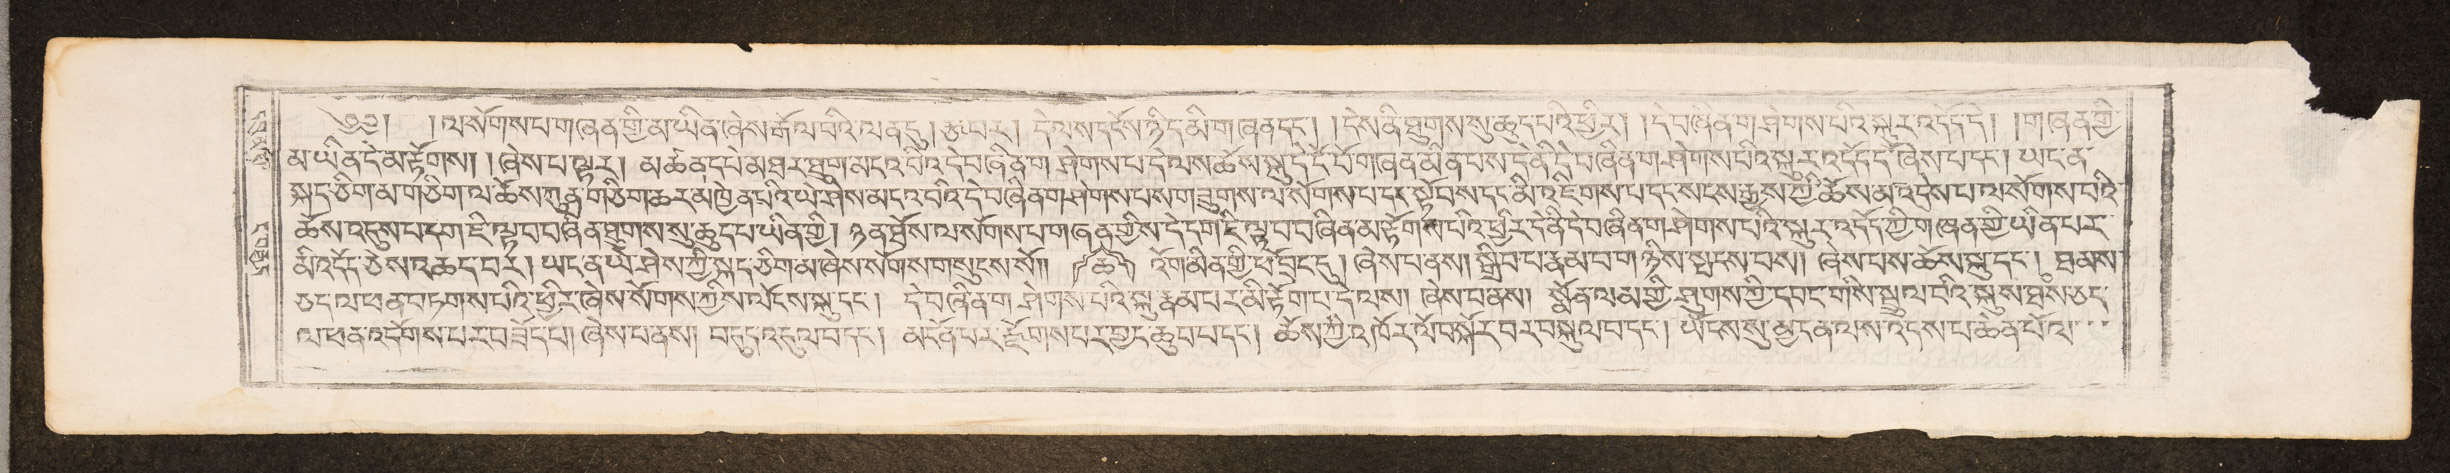༄༅། །ལ་སོགས་པ་གཞན་གྱི་མ་ཡིན་ཞེས་རྒོལ་བའི་ལན་དུ། རྩ་བར། དེ་ལས་དངོས་ཉིད་མི་གཞན་དང་། །དེས་ནི་ཐུགས་སུ་ཆུད་པའི་ཕྱིར། །དེ་བཞིན་གཤེགས་པའི་སྐུར་འདོད་དེ། །གཞན་གྱི་
མ་ཡིན་དེ་མ་རྟོགས། །ཞེས་པ་ལྟར། མཚན་དཔེ་མཐར་ཐུག་མངའ་བའི་དེ་བཞིན་གཤེགས་པ་དེ་ལས་ཆོས་སྐུ་དེ་ངོ་བོ་གཞན་མིན་པས་དེ་ནི་དེ་བཞིན་གཤེགས་པའི་སྐུར་འདོད་དོ་ཞེས་པ་དང་། ཡང་ན་
སྐད་ཅིག་མ་གཅིག་ལ་ཆོས་ཀུན་གཅིག་ཆར་མཁྱེན་པའི་ཡེ་ཤེས་མངའ་བའི་དེ་བཞིན་གཤེགས་པས་གཟུགས་ལ་སོགས་པ་དང་སྟོབས་དང་མི་འཇིགས་པ་དང་སངས་རྒྱས་ཀྱི་ཆོས་མ་འདྲེས་པ་ལ་སོགས་པའི་
ཆོས་འདུས་པ་དག་ཇི་ལྟབ་བཞིན་ཐུགས་སུ་ཆུད་པ་ཡིན་གྱི། ཉན་ཐོས་ལ་སོགས་པ་གཞན་གྱིས་དེ་དག་ཇི་ལྟ་བ་བཞིན་མ་རྟོགས་པའི་ཕྱིར་དེ་ནི་དེ་བཞིན་གཤེགས་པའི་སྐུར་འདོད་ཀྱི་གཞན་གྱི་ཡིན་པར་
མི་འདོད་ཅེས་འཆད་པར། ཡང་ན་ཡེ་ཤེས་ཀྱི་སྐད་ཅིག་མ་ཞེས་སོགས་གསུངས་སོ།། ༼༽ཆ༼༽ འོག་མིན་གྱི་ཕ་བྲང་དུ། ཞེས་པ་ནས། ཞེས་པ་ནས། སྒྲིབ་པ་རྣམས་པ་གཉིས་སྤངས་པས། ཞེས་པས་ཆོས་སྐུ་དང་། ཐམས་
ཅད་ལ་ཕན་བཏགས་པའི་ཕྱིར་ཞེས་སོགས་ཀྱིས་ལོང་སྐུ་དང་། དེ་བཞིན་གཤེགས་པའི་སྐུ་རྣམ་པར་མི་རྟོག་པ་དེ་ལས། ཞེས་པ་ནས། སྨོན་ལམ་གྱི་ཤུགས་ཀྱི་དབང་གིས་སྤྲུལ་པའི་སྐུས་ཐམས་ཅད་
ལ་ཕན་འདོགས་པར་བཟོད་པ། ཞེས་པ་ནས། བདུད་འདུལ་བ་དང་། མངོན་པར་རྫོགས་པར་བྱང་ཆུབ་པ་དང་། ཆོས་ཀྱི་འཁོར་ལོ་བསྐོར་བར་བསྐུལ་བ་དང་། ཡོངས་སུ་མྱ་ངན་ལས་འདས་པ་ཆེན་པོ་ལ་